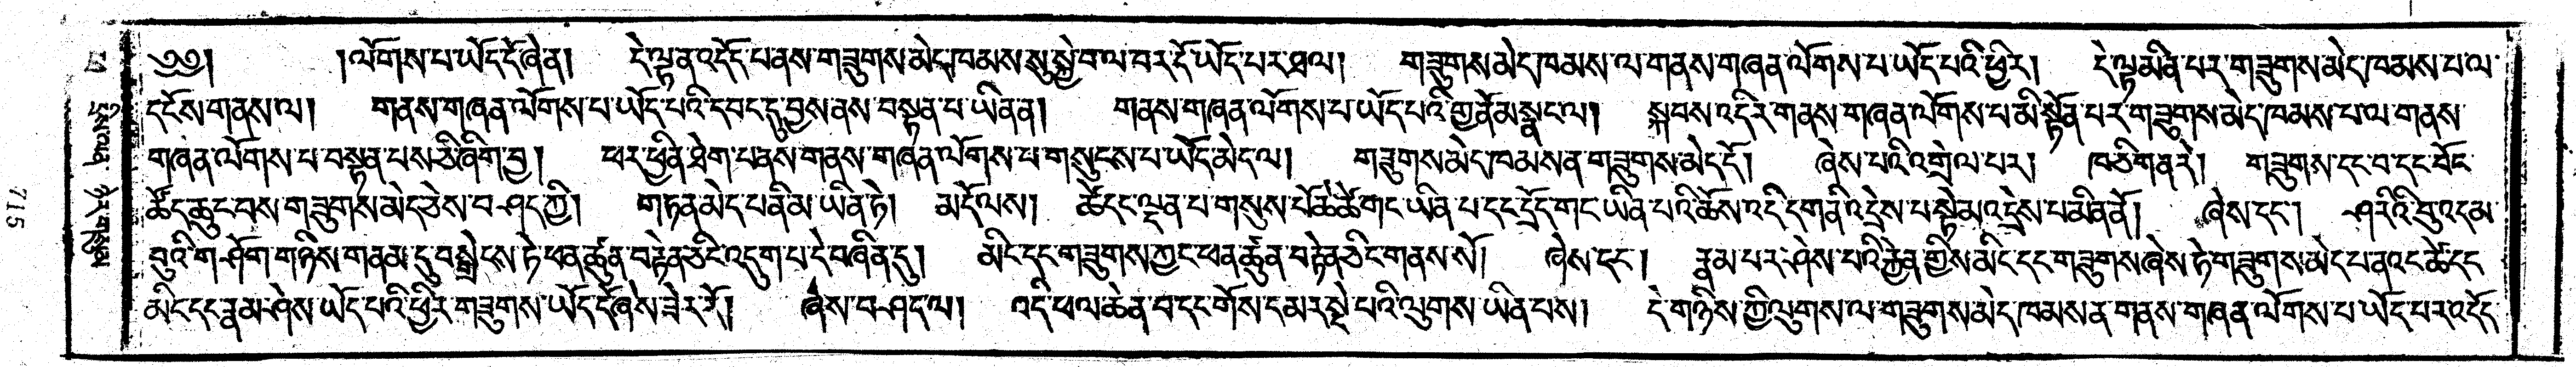༄༅། །ལོགས་པ་ཡོད་དེ་ཞེ་ན། དེ་ལྟ་ན་འདོད་པ་ནས་གཟུགས་མེད་ཁམས་སུ་སྐྱེ་བ་ལ་བར་དོ་ཡོད་པར་ཐལ། གཟུགས་མེད་ཁམས་ལ་གནས་གཞན་ལོགས་པ་ཡོད་པའི་ཕྱིར། དེ་ལྟ་མིན་པར་གཟུགས་མེད་ཁམས་པ་ལ་
དངོས་གནས་ལ། གནས་གཞན་ལོགས་པ་ཡོད་པའི་དབང་དུ་བྱས་ནས་བསྟན་པ་ཡིན་ན། གནས་གཞན་ལོགས་པ་ཡོད་པའི་གྱ་ནོམ་སྣང་ལ། སྐབས་འདིར་གནས་གཞན་ལོགས་པ་མི་སྟོན་པར་གཟུགས་མེད་ཁམས་པ་ལ་གནས་
གཞན་ལོགས་པ་བསྟན་པས་ཅི་ཞིག་བྱ། ཕར་ཕྱིན་ཐེག་པ་ནས་གནས་གཞན་ལོགས་པ་གསུངས་པ་ཡོད་མེད་ལ། གཟུགས་མེད་ཁམས་ན་གཟུགས་མེད་དོ། ཞེས་པའི་འགྲེལ་པར། ཁ་ཅིག་ན་རེ། གཟུགས་དང་བ་དང་པོང་
ཚོད་ཆུང་པས་གཟུགས་མེད་ཅེས་བཤད་ཀྱི། གཏན་མེད་པ་ནི་མ་ཡིན་ཏེ། མདོ་ལས། ཚེ་དང་ལྡན་པ་གསུས་པོ་ཆེ་ཚེ་གང་ཡིན་པ་དང་དྲོད་གང་ཡིན་པའི་ཆོས་འདི་དག་ནི་འདྲེས་པ་སྟེ་མ་འདྲེས་པ་མིན་ནོ། ཞེས་དང་། ཤ་རིའི་བུ་འདམ་
བུའི་གཤོག་གཉིས་གནམ་དུ་བསྒྲེངས་ཏེ་ཕན་ཚུན་བརྟེན་ཅིང་འདུག་པ་དེ་བཞིན་དུ། མིང་དང་གཟུགས་ཀྱང་ཕན་ཚུན་བརྟེན་ཅིང་གནས་སོ། ཞེས་དང་། རྣམ་པར་ཤེས་པའི་རྐྱེན་གྱིས་མིང་དང་གཟུགས་ཞེས་ཏེ་གཟུགས་མེད་པ་ནའང་ཚེ་དང་
མིང་དང་རྣམ་ཤེས་ཡོད་པའི་ཕྱིར་གཟུགས་ཡོད་ངོ་ཞེས་ཟེར་རོ། ཞེས་བཤད་པ། འདི་ཕལ་ཆེན་བ་དང་གོས་དམར་སྔེ་བའི་ལུགས་ཡིན་པས། དེ་གཉིས་ཀྱི་ལུགས་ལ་གཟུགས་མེད་ཁམས་ན་གནས་གཞན་ལོག་པ་ཡོད་པར་འདོད་